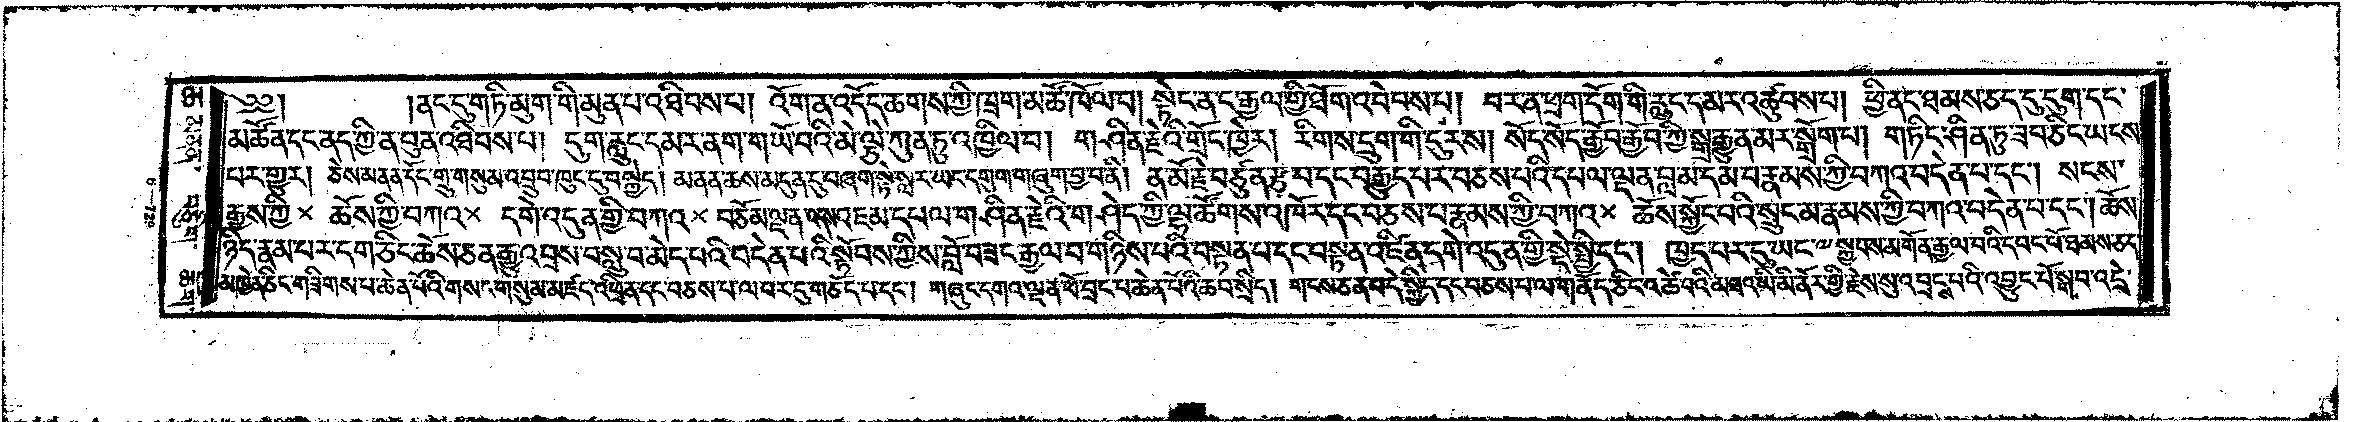༄༅། །ནང་དུ་གཏི་མུག་གི་མུན་པ་འཐིབས་པ། །འོག་ན་འདོད་ཆགས་ཀྱི་ཁྲག་མཚོ་ཁོལ་བ། །སྟེང་ན་ང་རྒྱལ་གྱི་ཐོག་འབེབས་པ། བར་ན་ཕྲག་དོག་གི་རླུང་དམར་འཚུབས་པ། ཕྱི་ནང་ཐམས་ཅད་དུག་དང་
མཚོན་དང་ནད་ཀྱི་ན་བུན་འཐིབས་པ། དུག་རླུང་དམར་ནག་གཡོ་བའི་མེ་ལྕེ་ཀུན་ཏུ་འཁྱིལ་བ། གཤིན་རྗེའི་གྲོང་ཁྱེར། རིགས་དྲུག་གི་དུར་ས། སོད་སོད་རྒྱོབ་རྒྱོབ་ཀྱི་སྒྲ་རྒྱུན་མར་སྒྲོག་པ། གཏིང་ཤིན་ཏུ་ཟབ་ཅིང་ཡངས་
པར་གྱུར། ཅེས་མནན་དོང་གྲུ་གསུམ་འབྲུབ་ཁུང་དུ་བསྐྱེད། །མནན་ཆད་མདུན་དུ་བཞག་སྟེ་སླར་ཡང་དགུག་གཞུག་བྱ་བ་ནི། །ན་མོ་རྗེ་བཙུན་རྩ་བ་དང་བརྒྱུད་པར་བཅས་པའི་དཔལ་ལྡན་བླ་མ་དམ་བ་རྣམས་ཀྱི་བཀའ་བདེན་པ་དང་། སངས་
རྒྱས་ཀྱི་྾་ཆོས་ཀྱི་བཀའ་྾་དགེ་འདུན་གྱི་བཀའ་྾་བཅོམ་ལྡན་འདས་འཇམ་དཔལ་གཤིན་རྗེའི་གཤེད་ཀྱི་ལྷ་ཚོགས་འཁོར་དང་བཅས་པ་རྣམས་ཀྱི་བཀའ་྾་ཆོས་ཀྱོང་བའི་སྲུང་མ་རྣམས་ཀྱི་བཀའ་བདེན་པ་དང་། ཆོས་
ཉིད་རྣམ་པར་དག་ཅིང་ཆོས་ཅན་རྒྱུ་འབྲས་བསླུ་བ་མེད་པའི་བདེན་པའི་སྟོབས་ཀྱིས་བློ་བཟང་རྒྱལ་བ་གཉིས་པའི་བསྟན་པ་དང་བསྟན་འཛིན་དགེ་འདུན་གྱི་སྡེ་སྤྱི་དང་། ཁྱད་པར་ཡང་༈ སྐྱབས་མགོན་རྒྱལ་བའི་དབང་པོ་ཐམས་ཅད་
མཁྱེན་ཅིང་གཟིགས་པ་ཆེན་པོའི་གསང་གསུམ་མཛད་འཕྲིན་དང་བཅས་པ་ལ་བར་དུ་གཅོད་པ་དང་། གཞུང་དགའ་ལྡན་ཕོ་བྲང་བ་ཆེན་པོའི་ཆབ་སྲིད། །གངས་ཅན་བདེ་སྐྱིད་དང་བཅས་པ་ལ་གནོད་ཅིང་འཚེ་བའི་མཐའ་ཡི་མི་ནོར་གྱི་རྗེས་སུ་འབྲངས་བའི་འབྱུང་པོ་སྒབ་འདྲེ་